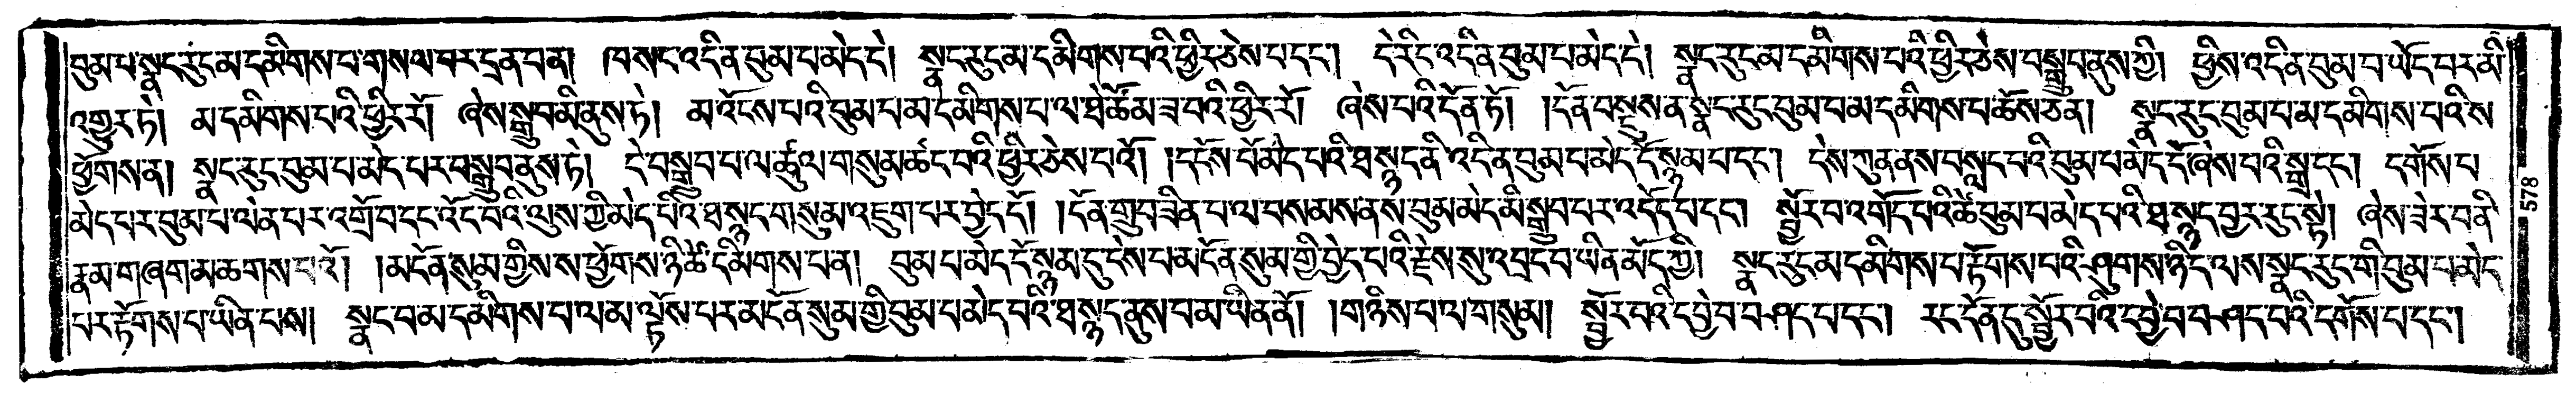བུམ་པ་སྣང་རུང་མ་དམིགས་པ་གསལ་བར་དྲན་བ་ན། ཁ་སང་འདི་ན་བུམ་པ་མེད་དེ། སྣང་རུང་མ་དམིགས་པའི་ཕྱིར་ཅེས་པ་དང་། དེ་རིང་འདི་ན་བུམ་པ་མེད་དེ། སྣང་རུང་མ་དམིགས་པའི་ཕྱིར་ཅེས་བསྒྲུབ་ནུས་ཀྱི། ཕྱིས་འདི་ན་བུམ་བ་ཡོད་བར་མི་
འགྱུར་ཏེ། མ་དམིགས་པའི་ཕྱིར་རོ། ཞེས་སྒྲུབ་མི་ནུས་ཏེ། མ་འོངས་པའི་བུམ་པ་མ་དམིགས་པ་ལ་ཐེ་ཚོམ་ཟ་བའི་ཕྱིར་རོ། ཞེས་པའི་དོན་ཏོ། །དོན་བསྡུས་ན་སྣང་རུང་བུམ་པ་མ་དམིགས་པ་ཆོས་ཅན། སྣང་རུང་བུམ་པ་མ་དམིགས་པའི་ས་
ཕྱོགས་ན། སྣང་རུང་བུམ་པ་མེད་པར་བསྒྲུབ་ནུས་ཏེ། དེ་བསྒྲུབ་པ་ལ་ཚུལ་གསུམ་ཚང་བའི་ཕྱིར་ཅེས་པའོ། །དངོས་པོ་མེད་པའི་ཐ་སྙད་ནི་འདི་ན་བུམ་པ་མེད་དོ་སྙམ་པ་དང་། དེས་ཀུན་ནས་བསླང་པའི་བུམ་པ་མེད་དོ་ཞེས་པའི་སྒྲ་དང་། དགོས་པ་
མེད་པར་བུམ་པ་ལེན་པར་འགྲོ་བ་དང་འོང་བའི་ལུས་ཀྱི་མེད་པའི་ཐ་སྙད་གསུམ་འཇུག་པར་བྱེད་དོ། །དོན་གྲུབ་ཟིན་པ་ལ་བསམས་ནས་བུམ་མེད་མི་སྒྲུབ་པར་འདོད་པ་དང་། སྦྱོར་བ་འགོད་པའི་ཚེ་བུམ་པ་མེད་པའི་ཐ་སྙད་བྱར་རུང་སྟེ། ཞེས་ཟེར་བ་ནི་
རྣམ་གཞག་མ་ཆགས་པའོ། །མངོན་སུམ་གྱིས་ས་ཕྱོགས་ཉི་ཚེ་དམིགས་པ་ན། བུམ་པ་མེད་དོ་སྙམ་དུ་ངེས་པ་མངོན་སུམ་གྱི་བྱེད་པའི་རྗེས་སུ་འབྲང་བ་ཡིན་མོད་ཀྱི། སྣང་རུང་མ་དམིགས་པ་རྟོགས་པའི་ཤུགས་ཉིད་ལས་སྣང་རུང་གི་བུམ་པ་མེད་
པར་རྟོགས་པ་ཡིན་པས། སྣང་བ་མ་དམིགས་པ་ལ་མ་ལྟོས་པར་མངོན་སུམ་གྱི་བུམ་པ་མེད་པའི་ཐ་སྙད་ནུས་བ་མ་ཡིན་ནོ། །གཉིས་པ་ལ་གསུམ། སྦྱོར་བའི་དབྱེ་བ་བཤད་པ་དང་། རང་དོན་དུ་སྦྱོར་བའི་དབྱེ་བ་བཤད་པའི་དགོས་པ་དང་།